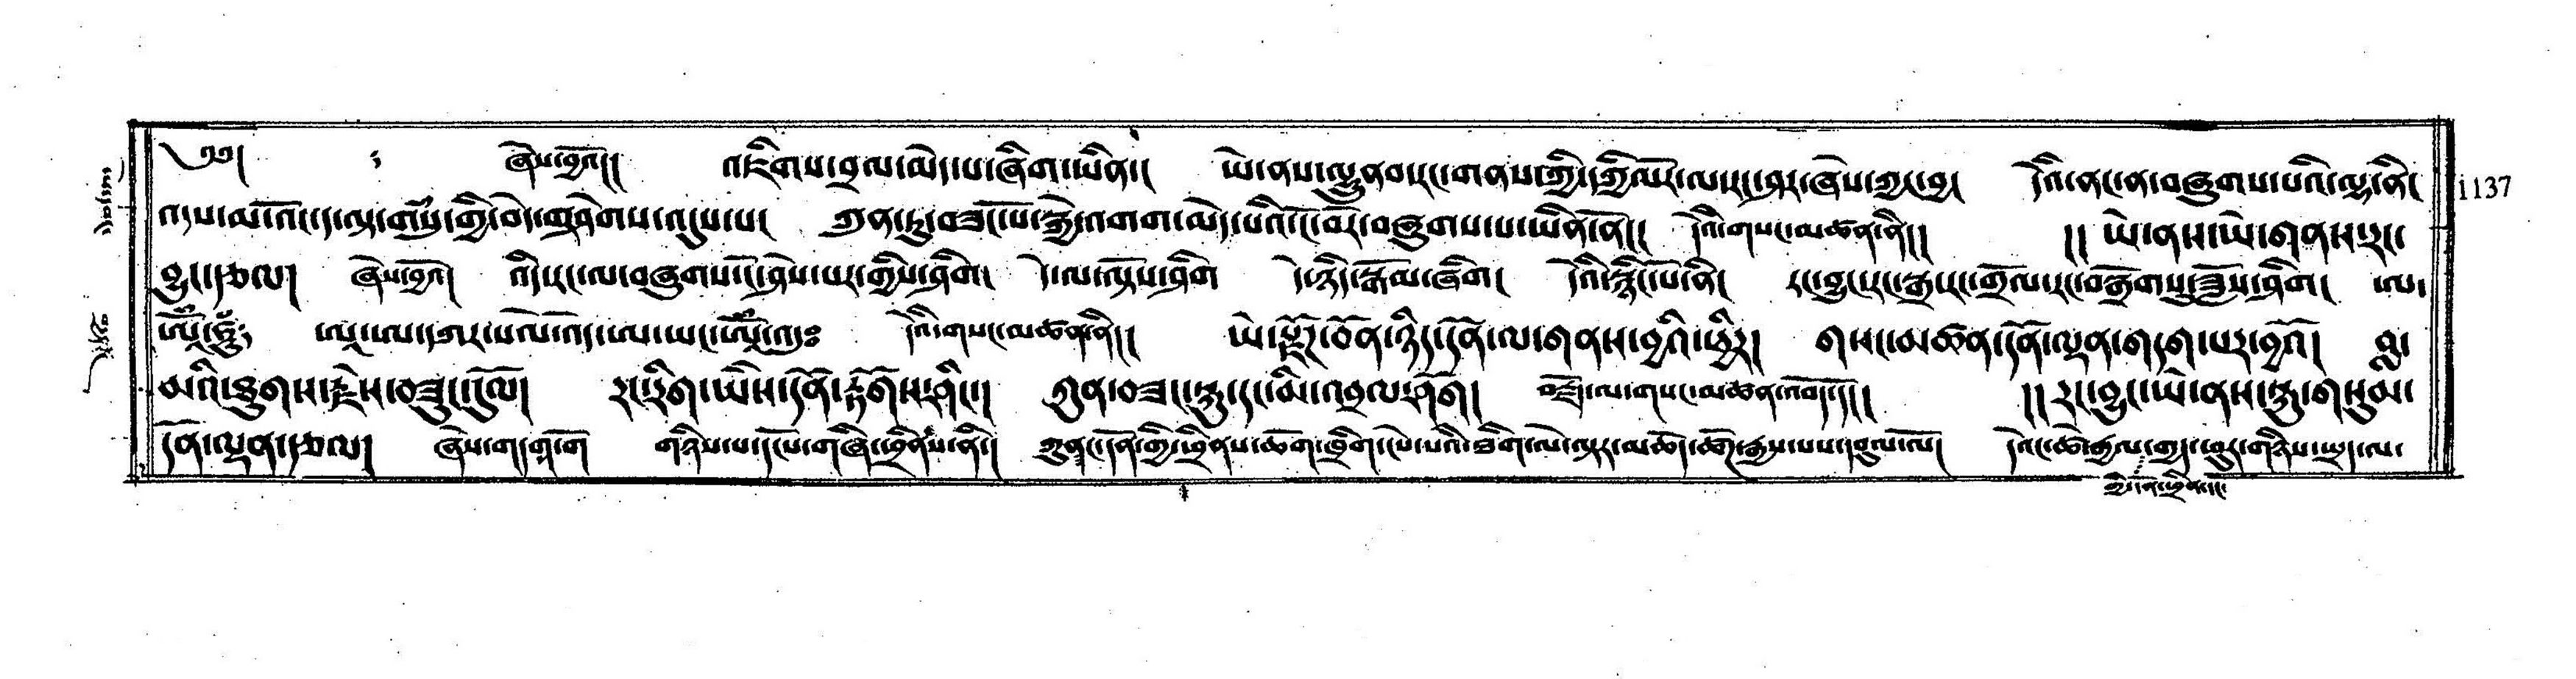ཞེས་བྱའོ།། འཇིགས་བྲལ་མེད་པ་ཞིག་ཡིན། ཡེ་ནས་ལྷུན་གྲུབ་རང་གནས་ཀྱི་དཀྱིལ་འཁོར་ལ་རང་ཤར་ཞེས་ཀྱང་བྱ། དེའི་ནང་ན་བཞུགས་པའི་ལྷ་ནི། 
འདས་མ་འོང་ད་ལྟ་གསུམ་གྱི་བདེ་གཤེགས་འདུས་པ། ཀུན་ཏུ་བཟང་པོ་སྐྱེ་འགག་མེད་པའི་ངོ་བོར་བཞུགས་པ་ཡིན་ནོ།། དེའི་གསང་མཚན་ནི།། །།ཡེ་ནས་ཡེ་གནས་རང་
བྱུང་རྩལ། ཞེས་བྱའོ། འདི་རང་ལ་བཞུགས་པ་ངོ་ཤེས་པར་གྱིས་ཤིག དེ་ལ་ལྟོས་ཤིག དེ་ཉིད་སྒོམ་ཞིག དེའི་སྙིང་པོ་ནི། རང་བྱུང་རང་སྒྲ་རང་གྲོལ་རང་བསྒྲོགས་སུ་ཟློས་ཤིག ཨ་
ཨཱོཾ་ཧཱུྃ། ཨཱ་ཨ་དཀར་སལེ་འོད་ཨ་ཡང་ཨཱོཾ་འདུཿ དེའི་གསང་མཚན་ནི།། ཡེ་རྫོགས་བོན་ཉིད་དོན་ལ་གནས་བྱའི་ཕྱིར། གསང་མཚན་དོན་ལྡན་གདག་པར་བྱའོ། བླ་
མའི་ཐུགས་རྗེས་བཟུང་དུ་གསོལ། རང་རིག་ཡེ་ཤེས་དོན་རྟོགས་ཤིང་། ཀུན་བཟང་སྐུ་དང་མི་འབྲལ་ཤོག བརྗོད་ལ་གསང་མཚན་འབོད་དོ།། །།རང་བྱུང་ཡེ་ནས་སྐུ་གསུམ་
དོན་ལྡན་རྩལ། ཞེས་གདག་གོ གཉིས་པ་དངོས་གཞི་ཕྲིན་ལས་ནི། ཀུན་བཟང་དོན་གྱི་ཕྲིན་ལས་ཆོག་ཁྲིག་ངེས་པའི་ཐིག་ལེ་ལྟར་མཆོད་ཚོགས་རྒྱས་པས་དབུལ་ལོ། དེའང་ཚེ་རྒྱལ་གྱི་དོན་ཕྲིན་དང་གྱད་ཕུར་གཉིས་སྤྲད་ལ་